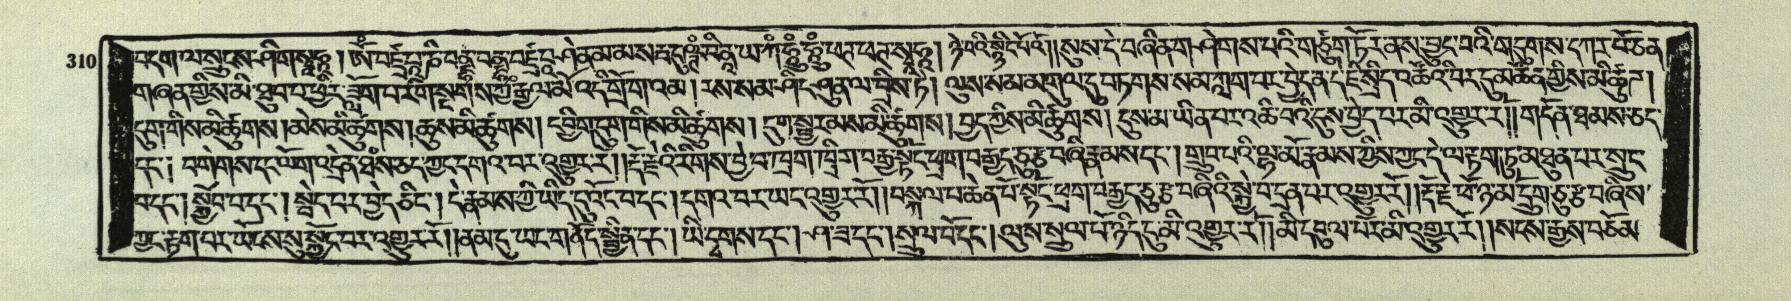བདག་ལ་སྲུངས་ཤིག་སྭཱཧཱ་།ཨོཾ་བྫྲ་པཱ་ཎི་བནྡྷ་བནྡྷ་བྫྲ་བཱ་ཤེ་ནམ་མ་སརྦ་དུ་ཥྚཾ་བི་ནཱ་ཡ་ཀཾ་ཧཱུཾ་ཧཱུཾ་ཕཊ་ཕཊ་སྭཱཧཱ། ཉེ་བའི་སྙིང་པོའོ། །སུས་དེ་བཞིན་གཤེགས་པའི་གཙུག་ཏོར་ནས་བྱུང་བའི་གདུགས་དཀར་པོ་ཅན་
གཞན་གྱིས་མི་ཐུབ་པ་ཕྱིར་ཟློག་པ་རིག་སྔགས་ཀྱྀ་རྒྱལ་མོ་འདི་གྲོག་འམ་།རས་སམ་ཤིང་ཤུན་ལ་བྲིས་ཏེ། ལུས་སམ་མགུལ་དུ་བཏགས་སམ་ཀླག་པར་བྱེད་ན་དེ་ཇི་སྲིད་འཚོའི་བིར་དུ་མཚོན་གྱིས་མི་ཚུཊ།
དུག་གིས་མི་ཚུགས་།མེས་མི་ཚུགས་།ཆུས་མི་ཚུགས། དབྱིག་དུག་གིས་མི་ཚུགས་།དུག་སྦྱར་མས་མི་ཚུགས་།བྱད་ཀྱིས་མི་ཚུགས་།དུས་མ་ཡིན་པར་འཆི་བའི་དུས་བྱེད་པར་མི་འགྱུར་རོ། །གདོན་ཐམས་ཅད་
དང་༑བགེགས་དང་ལོག་འདྲེན་ཐཾས་ཅད་ཀྱང་དགའ་བར་འགྱུར་རོ། །རྡོ་རྗེའི་རིགས་བྱེ་བ་ཁྲག་ཁྲིག་བརྒྱ་སྟོང་ཕྲག་བརྒྱད་ཅུ་ཙ་བཞི་རྣམས་དང་།གྲུབ་པའི་ལྷ་མོ་རྣམས་ཀྱིས་ཀྱང་དེ་ལ་རྟག་ཏུ་མཐུན་པར་སྲུང་
བ་དང་།སྐྱོབ་བ་དང་།སྦེད་པར་བྱེད་ཅིང་།དེ་རྣམས་ཀྱི་ཡིད་དུ་འོང་བ་དང་།དགའ་བར་ཡང་འགྱུར་རོ། །བསྐལ་པ་ཆེན་པོ་སྟོང་ཕྲག་བརྒྱད་ཅུ་རྩ་བཞིའི་སྐྱེ་བ་དྲན་པར་འགྱུར་རོ། །རྡོ་རྗེ་ཕོ་ཉ་མོ་དྲུག་ཅུ་ཙ་བཞིས་
ཀྱང་རྟག་པར་ཡོངས་སུ་ཀྱོང་བར་འགྱུར་རོ། །ནམ་དུ་ཡང་གནོད་སྦྱིན་དང་།ཡི་དྭགས་དང་།ཤ་ཟ་དང་།སྲུལ་བོ་དང་།ལུས་སྲུལ་པོ་ཉིད་དུ་མི་འགྱུར་རོ། །མི་དབུལ་པོར་མི་འགྱུར་རོ། །སངས་རྒྱས་བཅོམ་